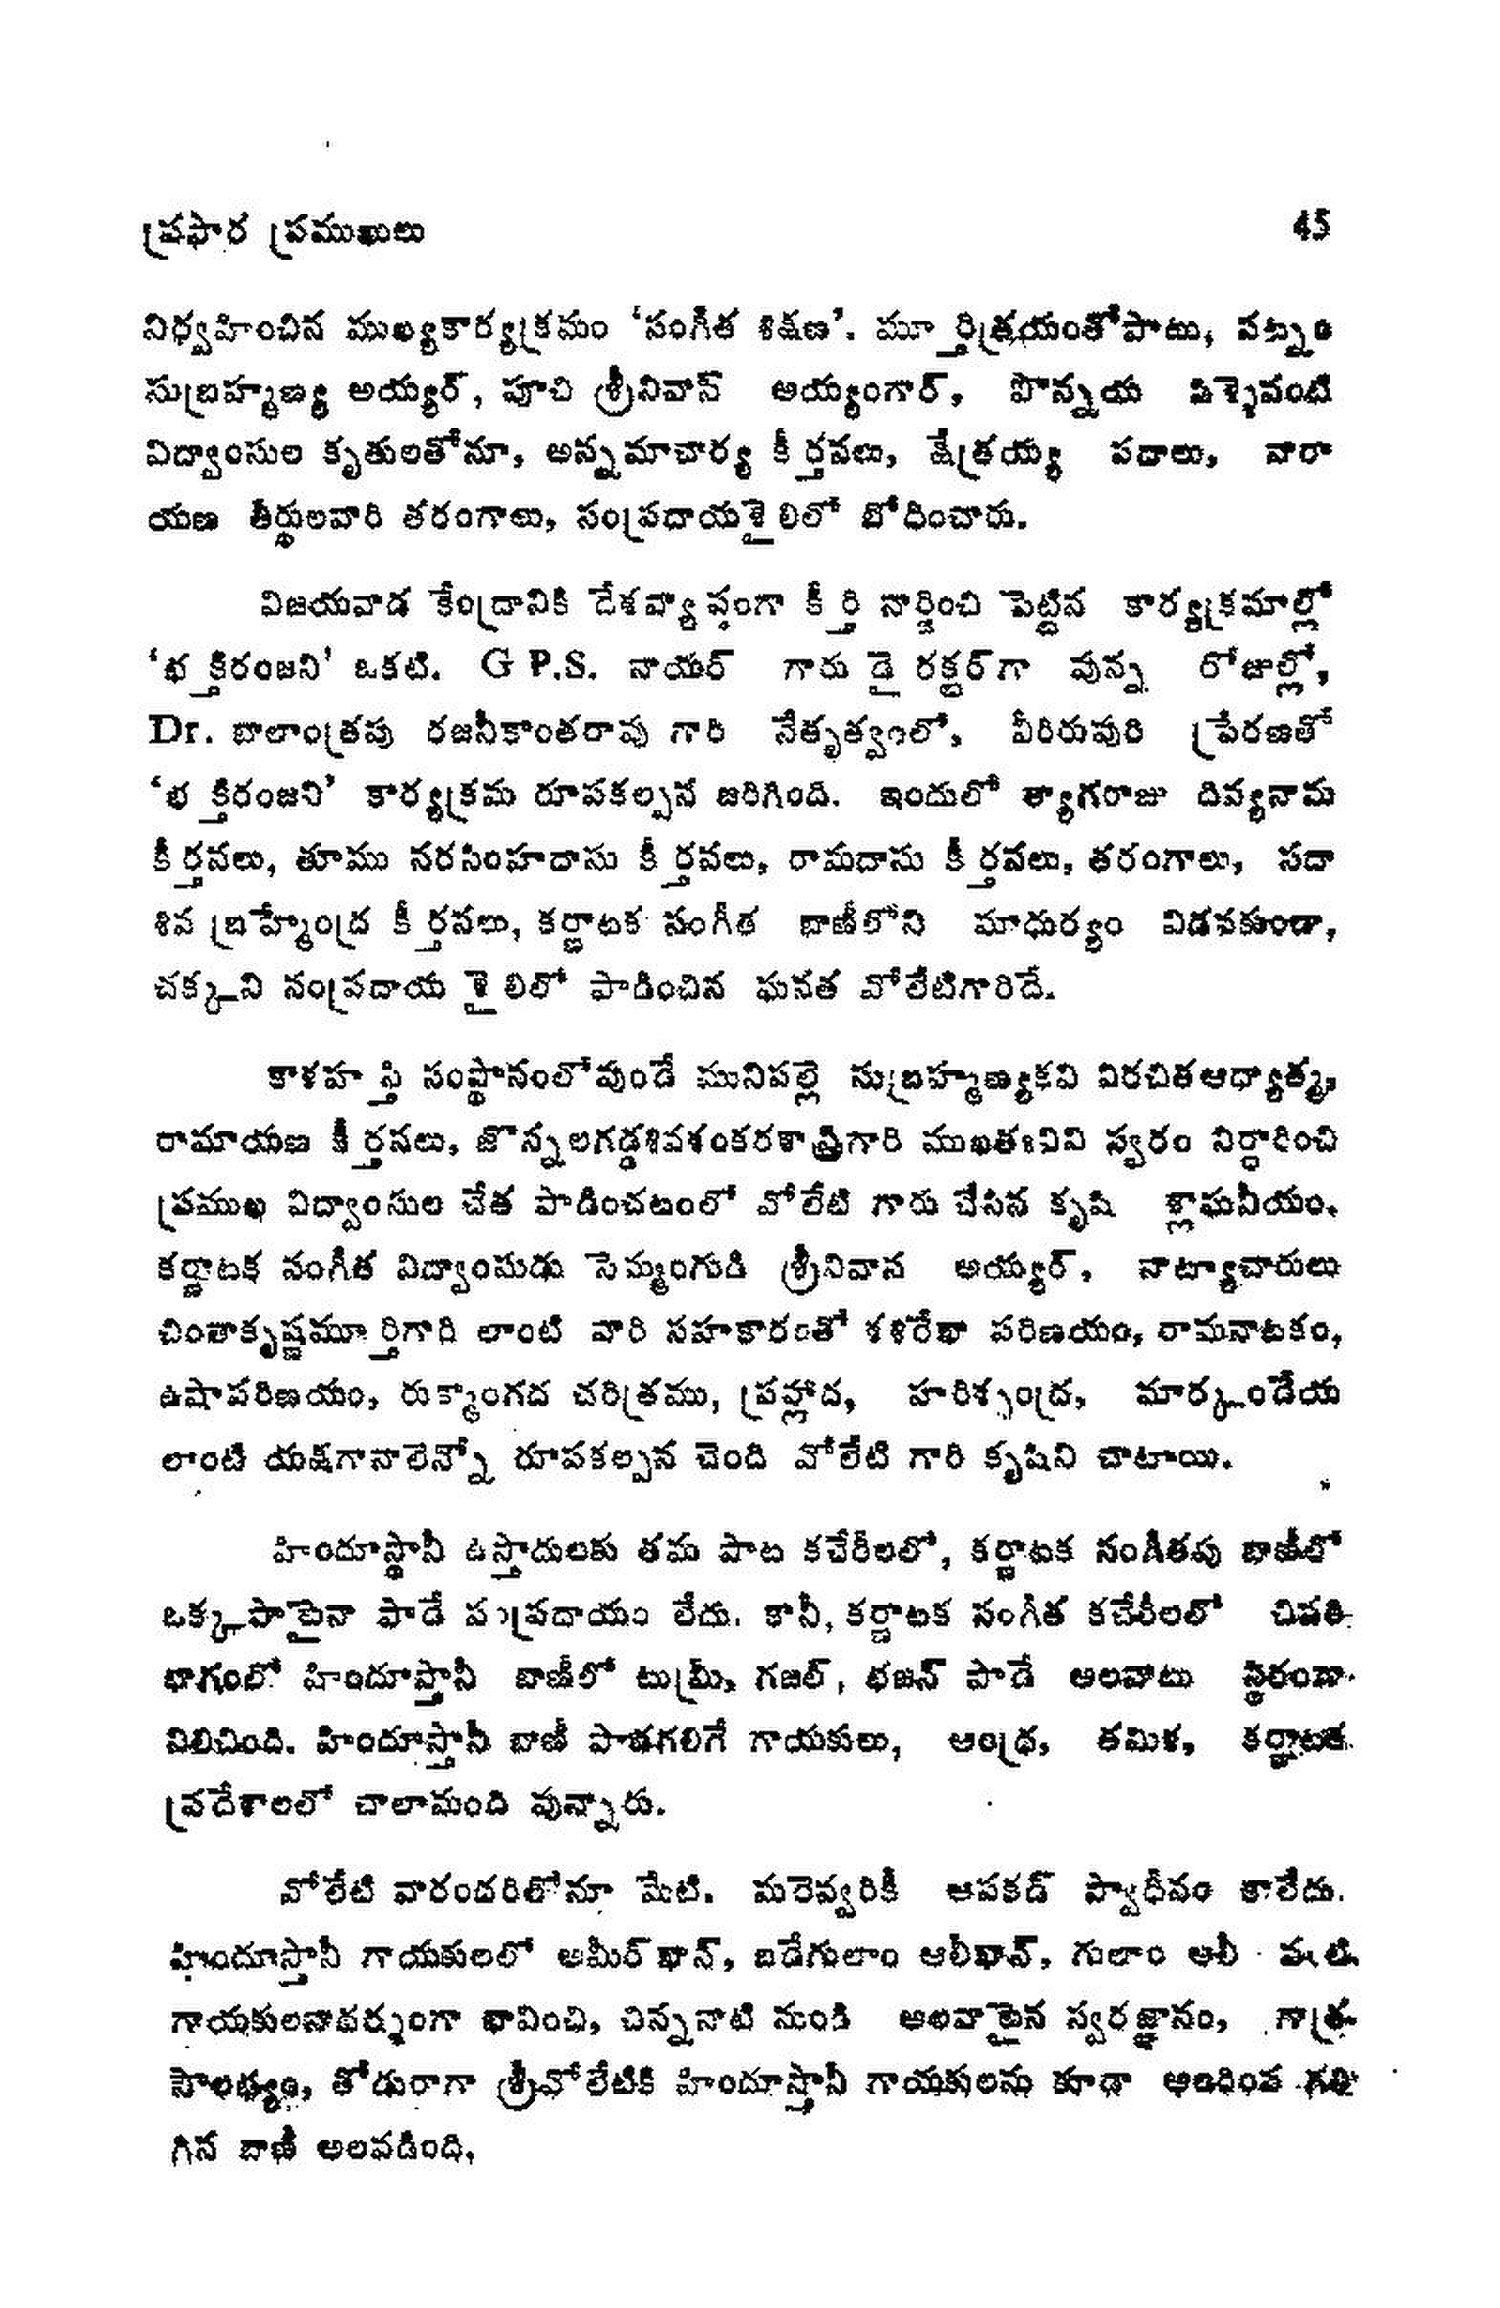నిర్వహించిన ముఖ్యకార్యక్రమం 'సంగీత శిక్షణ'. మూర్తిత్రయంతోపాటు, పట్నం సుబ్రహ్మణ్య అయ్యర్, పూచి శ్రీనివాస్ అయ్యంగార్, పొన్నయ పిళ్ళెవంటి విద్వాంసుల కృతులతోనూ, అన్నమాచార్య కీర్తనలు, క్షేత్రయ్య పదాలు, నారాయణ తీర్థులవారి తరంగాలు, సంప్రదాయశైలిలో బోదించారు.

విజయవాడ కేంద్రానికి దేశవ్యాప్తంగా కీర్తి నార్జించి పెట్టిన కార్యక్రమాల్లో 'భక్తిరంజని' ఒకటి. G.P.S. నాయర్ గారు డైరక్టర్‌గా వున్న రోజుల్లో, Dr. బాలాంత్రపు రజనీకాంతరావు గారి నేతృత్వంలో, వీరిరువురి ప్రేరణతో 'భక్తిరంజని' కార్యక్రమ రూపకల్పన జరిగింది. ఇందులో త్యాగరాజు దివ్యనామ కీర్తనలు, తూము నరసింహదాసు కీర్తనలు, రామదాసు కీర్తనలు, తరంగాలు, సదాశివ బ్రహ్మేంద్ర కీర్తనలు, కర్ణాటక సంగీత బాణీలోని మాధుర్యం విడవకుండా చక్కని సంప్రదాయ శైలిలో పాడించిన ఘనత వోలేటిగారిదే.

కాళహస్తి సంస్థానంలోవుండే మునిపల్లె సుబ్రహ్మణ్యకవి విరచిత అధ్యాత్మ, రామాయణ కీర్తనలు, జొన్నలగడ్డ శివశంకరశాస్త్రిగారి ముఖత:విని స్వరం నిర్ధారించి ప్రముఖ విద్వాంసుల చేత పాడించటంలో వోలేటి గారు చేసిన కృషి శ్లాఘనీయం. కర్ణాటక సంగీత విద్వాంసుడు సెమ్మంగుడి శ్రీనివాస అయ్యర్, నాట్యాచారులు చింతాకృష్ణమూర్తిగారి లాంటి వారి సహకారంతో శశిరేఖా పరిణయం, రామనాటకం, ఉషాపరిణయం, రుక్మాంగద చరిత్రము, ప్రహ్లాద, హరిశ్చంద్ర, మార్కండేయ లాంటి యక్షగానాలెన్నో రూపకల్పన చెంది వోలేటి గారి కృషిని చాటాయి.

హిందూస్థానీ ఉస్తాదులకు తమ పాట కచేరిలలో, కర్ణాటక సంగీతపు బాణీలో ఒక్కపాటైనా పాడే సంప్రదాయం లేదు. కానీ, కర్ణాటక సంగీత కచేరీలలో చివరి భాగంలో హిందూస్తానీ బాణీలో టుమ్రీ, గజల్, భజన్ పాడే అలవాటు స్థిరంగా నిలిచింది. హిందూస్తానీ బాణీ పాడగలిగే గాయకులు, ఆంధ్ర, తమిళ, కర్ణాటక ప్రదేశాలలో చాలామంది వున్నారు.

వోలేటి వారందరిలోనూ మేటి. మరెవ్వరికీ ఆపకడ్ స్వాదీనం కాలేదు. హిందూస్తానీ గాయకులలో అమీర్ ఖాన్, బడేగులాం అలీఖాన్, గులాం అలీ వంటి గాయకులనాదర్శంగా భావించి, చిన్ననాటి నుండి అలవాటైన స్వరజ్ఞానం, గాత్ర సౌలభ్యం, తోడురాగా శ్రీవోలేటికి హిందూస్తానీ గాయకులను కూడా అలరింప గలిగిన బాణీ అలవడింది.